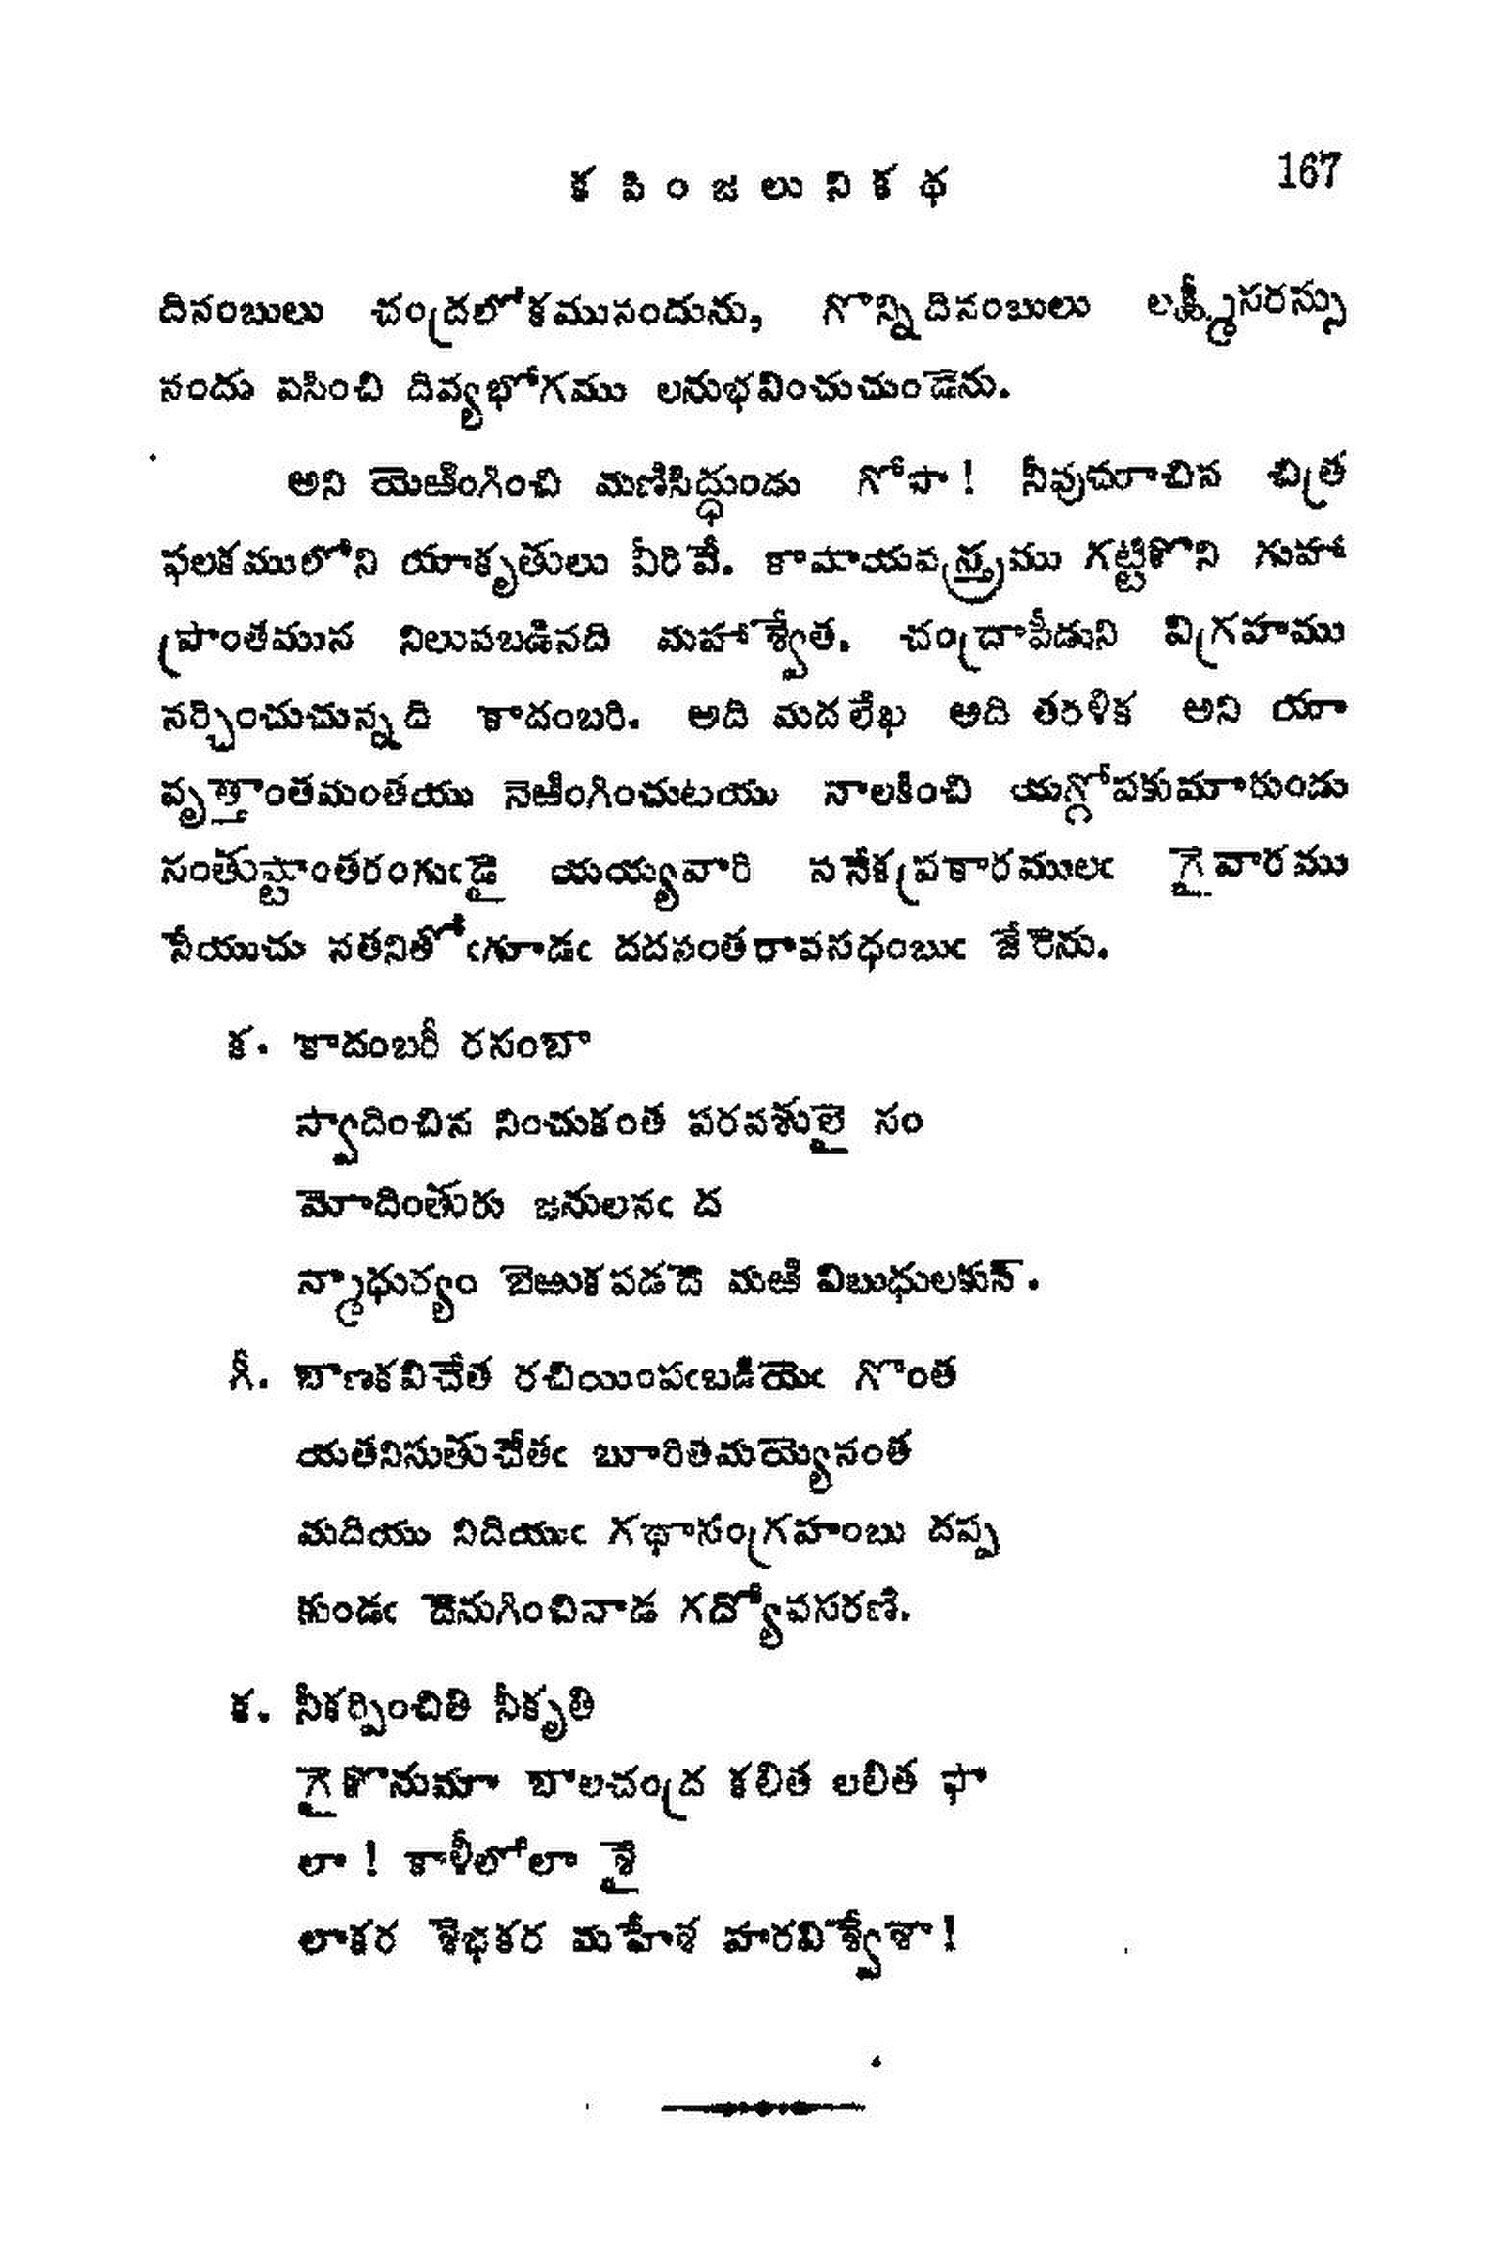దినంబులు చంద్రలోకమునందును, గొన్నిదినంబులు లక్ష్మీసరస్సు నందు వసించి దివ్యభోగము లనుభవించుచుండెను.

అని యెఱింగించి మణిసిద్ధుండు గోపా! నీవుచూచిన చిత్ర ఫలకములోని యాకృతులు వీరివే. కాషాయవస్త్రము గట్టికొని గుహా ప్రాంతమున నిలువబడినది మహాశ్వేత. చంద్రాపీడుని విగ్రహము నర్చించుచున్నది కాదంబరి. అది మదలేఖ అది తరళిక అని యా వృత్తాంతమంతయు నెఱింగించుటయు నాలకించి యగ్గోపకుమారుండు సంతుష్టాంతరంగుఁడై యయ్యవారి ననేకప్రకారములఁ గైవారము సేయుచు నతనితోఁగూడఁ దదనంతరావసధంబుఁ జేరెను.

క. కాదంబరీ రసంబా
 స్వాదించిన నించుకంత పరవశులై సం
 మోదింతురు జనులనఁ ద
 న్మాధుర్యం బెఱుకపడదె మఱి విబుధులకున్.

గీ. బాణకవిచేత రచియింపఁబడియెఁ గొంత
 యతనిసుతుచేతఁ బూరితమయ్యెనంత
 మదియు నిదియుఁ గథాసంగ్రహంబు దప్ప
 కుండఁ దెనుగించినాడ గద్యోపసరణి.

క. నీకర్పించితి నీకృతి
 గైకొనుమా బాలచంద్ర కలిత లలిత ఫా
 లా! కాళీలోలా శై
 లాకర శెభకర మహేశ హరవిశ్వేశా!